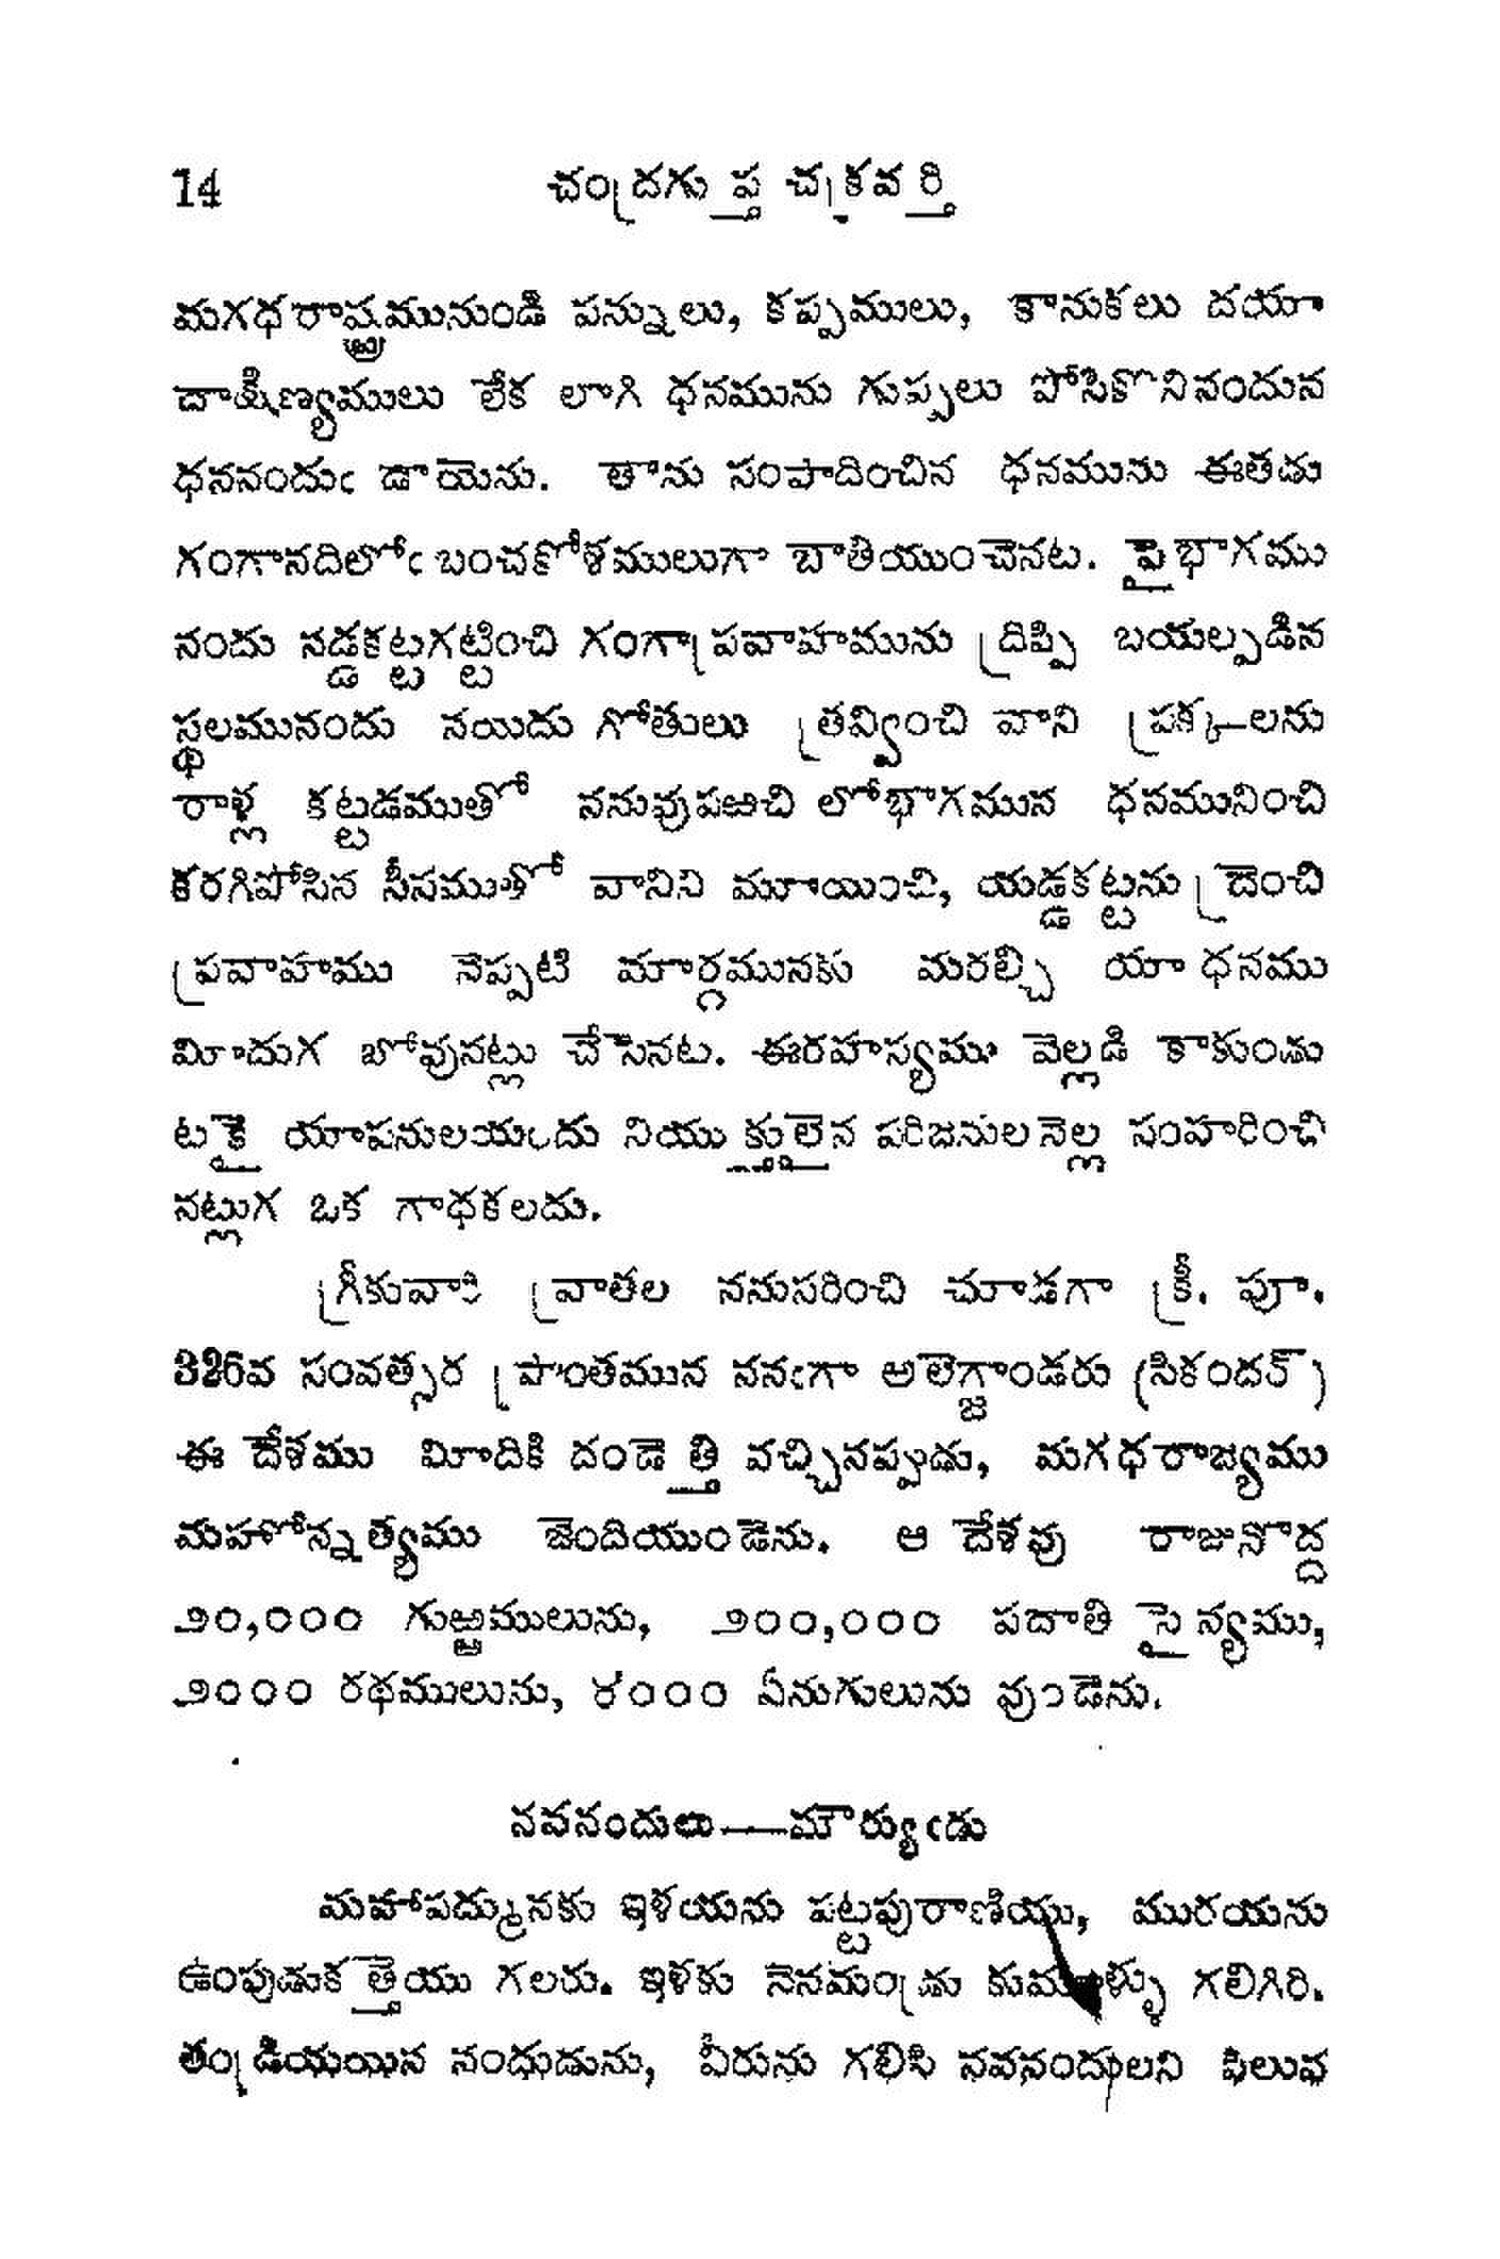మగధ రాష్ట్రమునుండి పన్నులు, కప్పములు, కానుకలు దయా దాక్షిణ్యములు లేక లాగి ధనమును గుప్పలు పోసికొనినందున ధననందుఁ డాయెను. తాను సంపాదించిన ధనమును ఈతడు గంగానదిలోఁ బంచకోశములుగా బాతియుంచెనట. పైభాగము నందు నడ్డకట్టగట్టించి గంగా ప్రవాహమును ద్రిప్పి బయల్పడిన స్థలమునందు నయిదు గోతులు త్రవ్వించి వాని ప్రక్కలను రాళ్ల కట్టడముతో ననువుపఱచి లోభాగమున ధనమునించి కరగిపోసిన సీసముతో వానిని మూయించి, యడ్డకట్టను ద్రెంచి ప్రవాహము. నెప్పటి మార్గమునకు మరల్చి యా ధనము మీదుగ బోవునట్లు చేసెనట. ఈరహస్యము వెల్లడి కాకుండుటకై యాపనులయందు నియుక్తులైన పరిజనుల నెల్ల సంహరించి నట్లుగ ఒక గాధకలదు.

గ్రీకువారి వ్రాతల ననుసరించి చూడగా క్రీ. పూ. 326వ సంవత్సర ప్రాంతమున ననఁగా అలెగ్జాండరు (సికందర్) ఈ దేశము మీదికి దండెత్తి వచ్చినప్పుడు, మగధరాజ్యము మహోన్నత్యము జెందియుండెను. ఆ దేశపు రాజునొద్ద 20,000 గుజ్జములును, 200,000 పదాతి సైన్యము, 2000 రథములును, 4000 ఏనుగులును వుండెను.

నవనందులు-మౌర్యుఁడు 

మహాపద్మునకు ఇళయను పట్టపురాణియు, మురయను ఉంపుడుకతైయు గలరు. ఇళకు నెనమండ్రు కుమాళ్ళు గలిగిరి. తండ్రియయిన నందుడును, వీరును గలిపి నవనందులని పిలువ